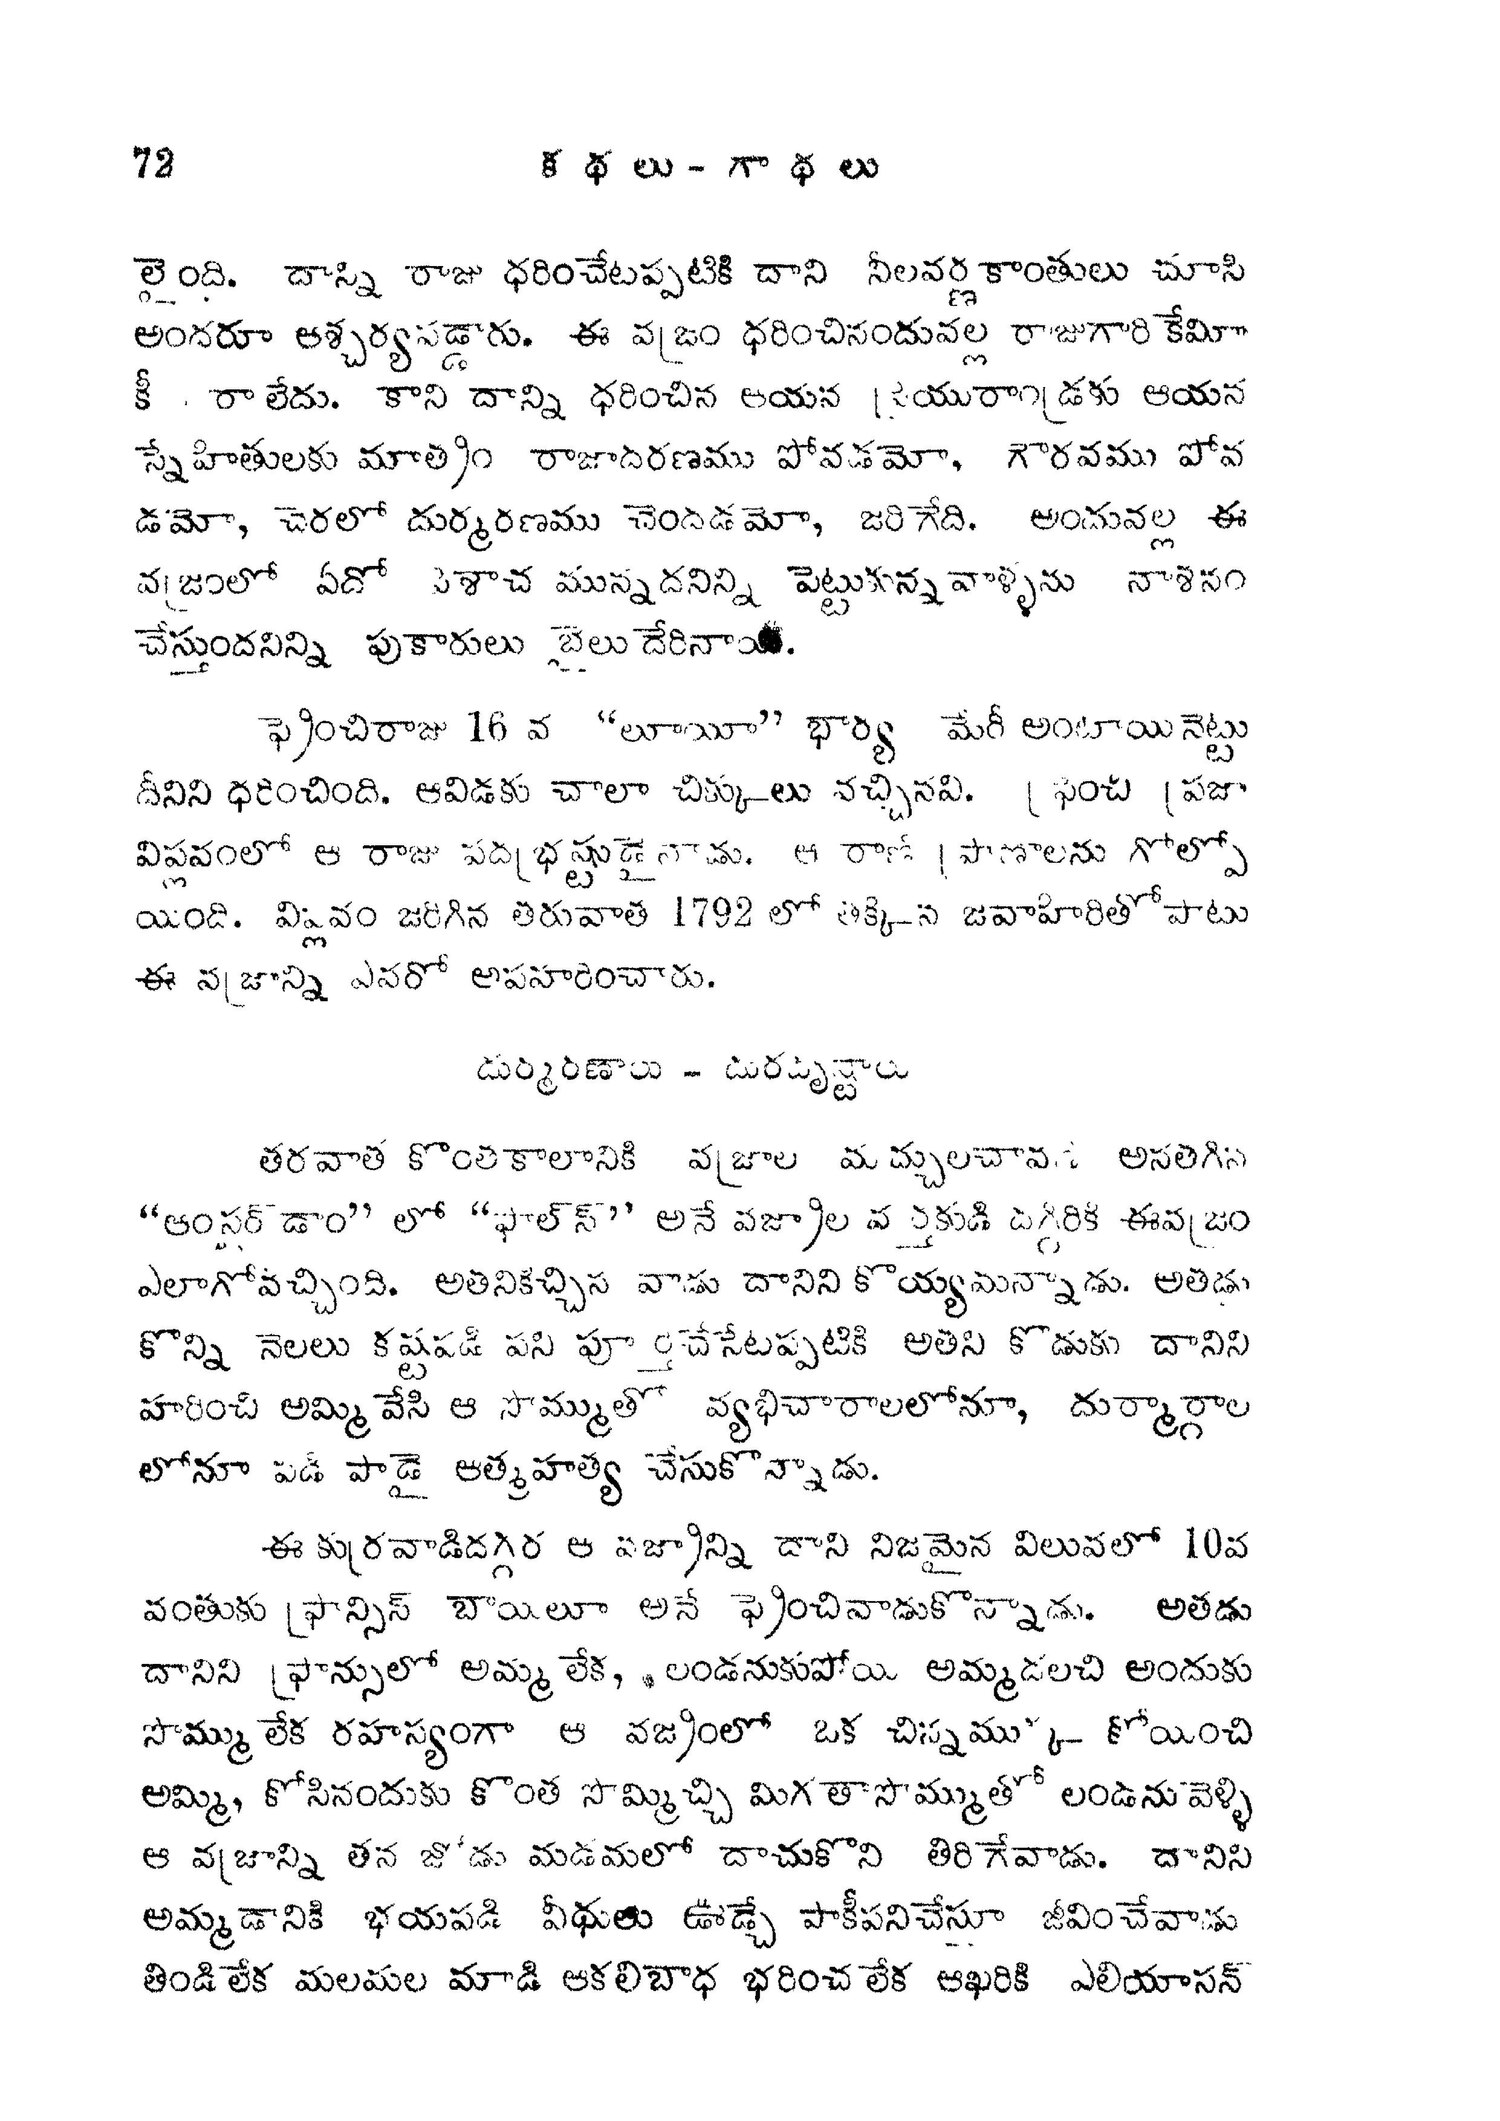లైంది. దాన్ని 'రాజు ధరించేటప్పటికి దాని నీలవర్ల కాంతులు చూసిఅందరూ
ఆశ్చర్యపడ్డారు. వజ్రం ధరించినందువల్ల రాజుగారికేమీ కీడు 
రాలేదు. కాని దాన్ని ధరించిన ఆయన ప్రియురాండ్రకు ఆయన
స్నేహితులకు మాత్రం రాజాదరణము పోవడమో, గౌరవము పోవ
డమో, చెరలో దుర్మరణము చెందడమో, జరిగేది. అందువల్ల ఈ
వజ్రంలో ఏదో పిశాచ మున్నదనిన్ని పెట్టుకున్న వాళ్ళను నాశనం
చేస్తుందనిన్ని పుకారులు బైలు దేరినాయి

ఫ్రెంచిరాజు 16 వ “లూయీ" భార్య మేరీ అంటాయినెట్టు
దీనిని ధరించింది. ఆవిడకు చాలా చిక్కులు వచ్చినవి. ప్రెంచి ప్రజా
విప్లవంలో ఆ రాజు పద భ్రష్టుడైనాడు. ఈ రాణి ప్రాణాలను గోల్పో
యింది. విప్లవం జరిగిన తరువాత 1792 లో తక్కిన జవాహిరితో పాటు
ఈ వజ్రాన్ని ఎవరో అపహరించారు.

తరవాత కొంత కాలానికి వజ్రాల మచ్చులచావడి అనదగిన
“ఆంస్టర్ డాం” లో "ఫాల్స్" అనే వజ్రాల వర్తకుడి దగ్గరికి ఈవజ్రం
ఎలాగోవచ్చింది. అతనికిచ్చిన వాడు దానిని కొయ్యమన్నాడు. అతడు
కొన్ని నెలలు కష్టపడి పని పూర్తిచేసేటప్పటికి అతని కొడుకు దానిని
హరించి అమ్మివేసి ఆ సొమ్ముతో వ్యభిచారాలలోనూ, దుర్మార్గాల
లోనూ పడి పాడై ఆత్మహత్య చేసుకొన్నాడు.

ఈ కుర్రవాడిదగ్గర ఆ వజ్రాన్ని దాని నిజమైన విలువలో 10వ
వంతుకు ఫ్రాన్సిస్ బాయిలూ అనే ఫ్రెంచివాడుకొన్నాడు. అతడు
దానిని ఫ్రాన్సులో అమ్మలేక , లండనుకుపోయి అమ్మదలచి అందుకు 
సొమ్ము లేక రహస్యంగా ఆ వజ్రంలో ఒక చిన్న ముక్కా కోయించి
అమ్మి, కోసినందుకు కొంత సొమ్మిచ్చి మిగతాసొమ్ముతో" లండను వెళ్ళి
ఆ వజ్రాన్ని తన జోడు మడమలో దాచుకొని తిరిగేవాడు. దానిని
అమ్మడానికి భయపడి వీధులు ఊడ్చే పాకీపనిచేస్తూ జీవించేవాడు
తిండి లేక మలమల మాడి ఆకలిబాధ భరించలేక ఆఖరికి ఎలియాసన్